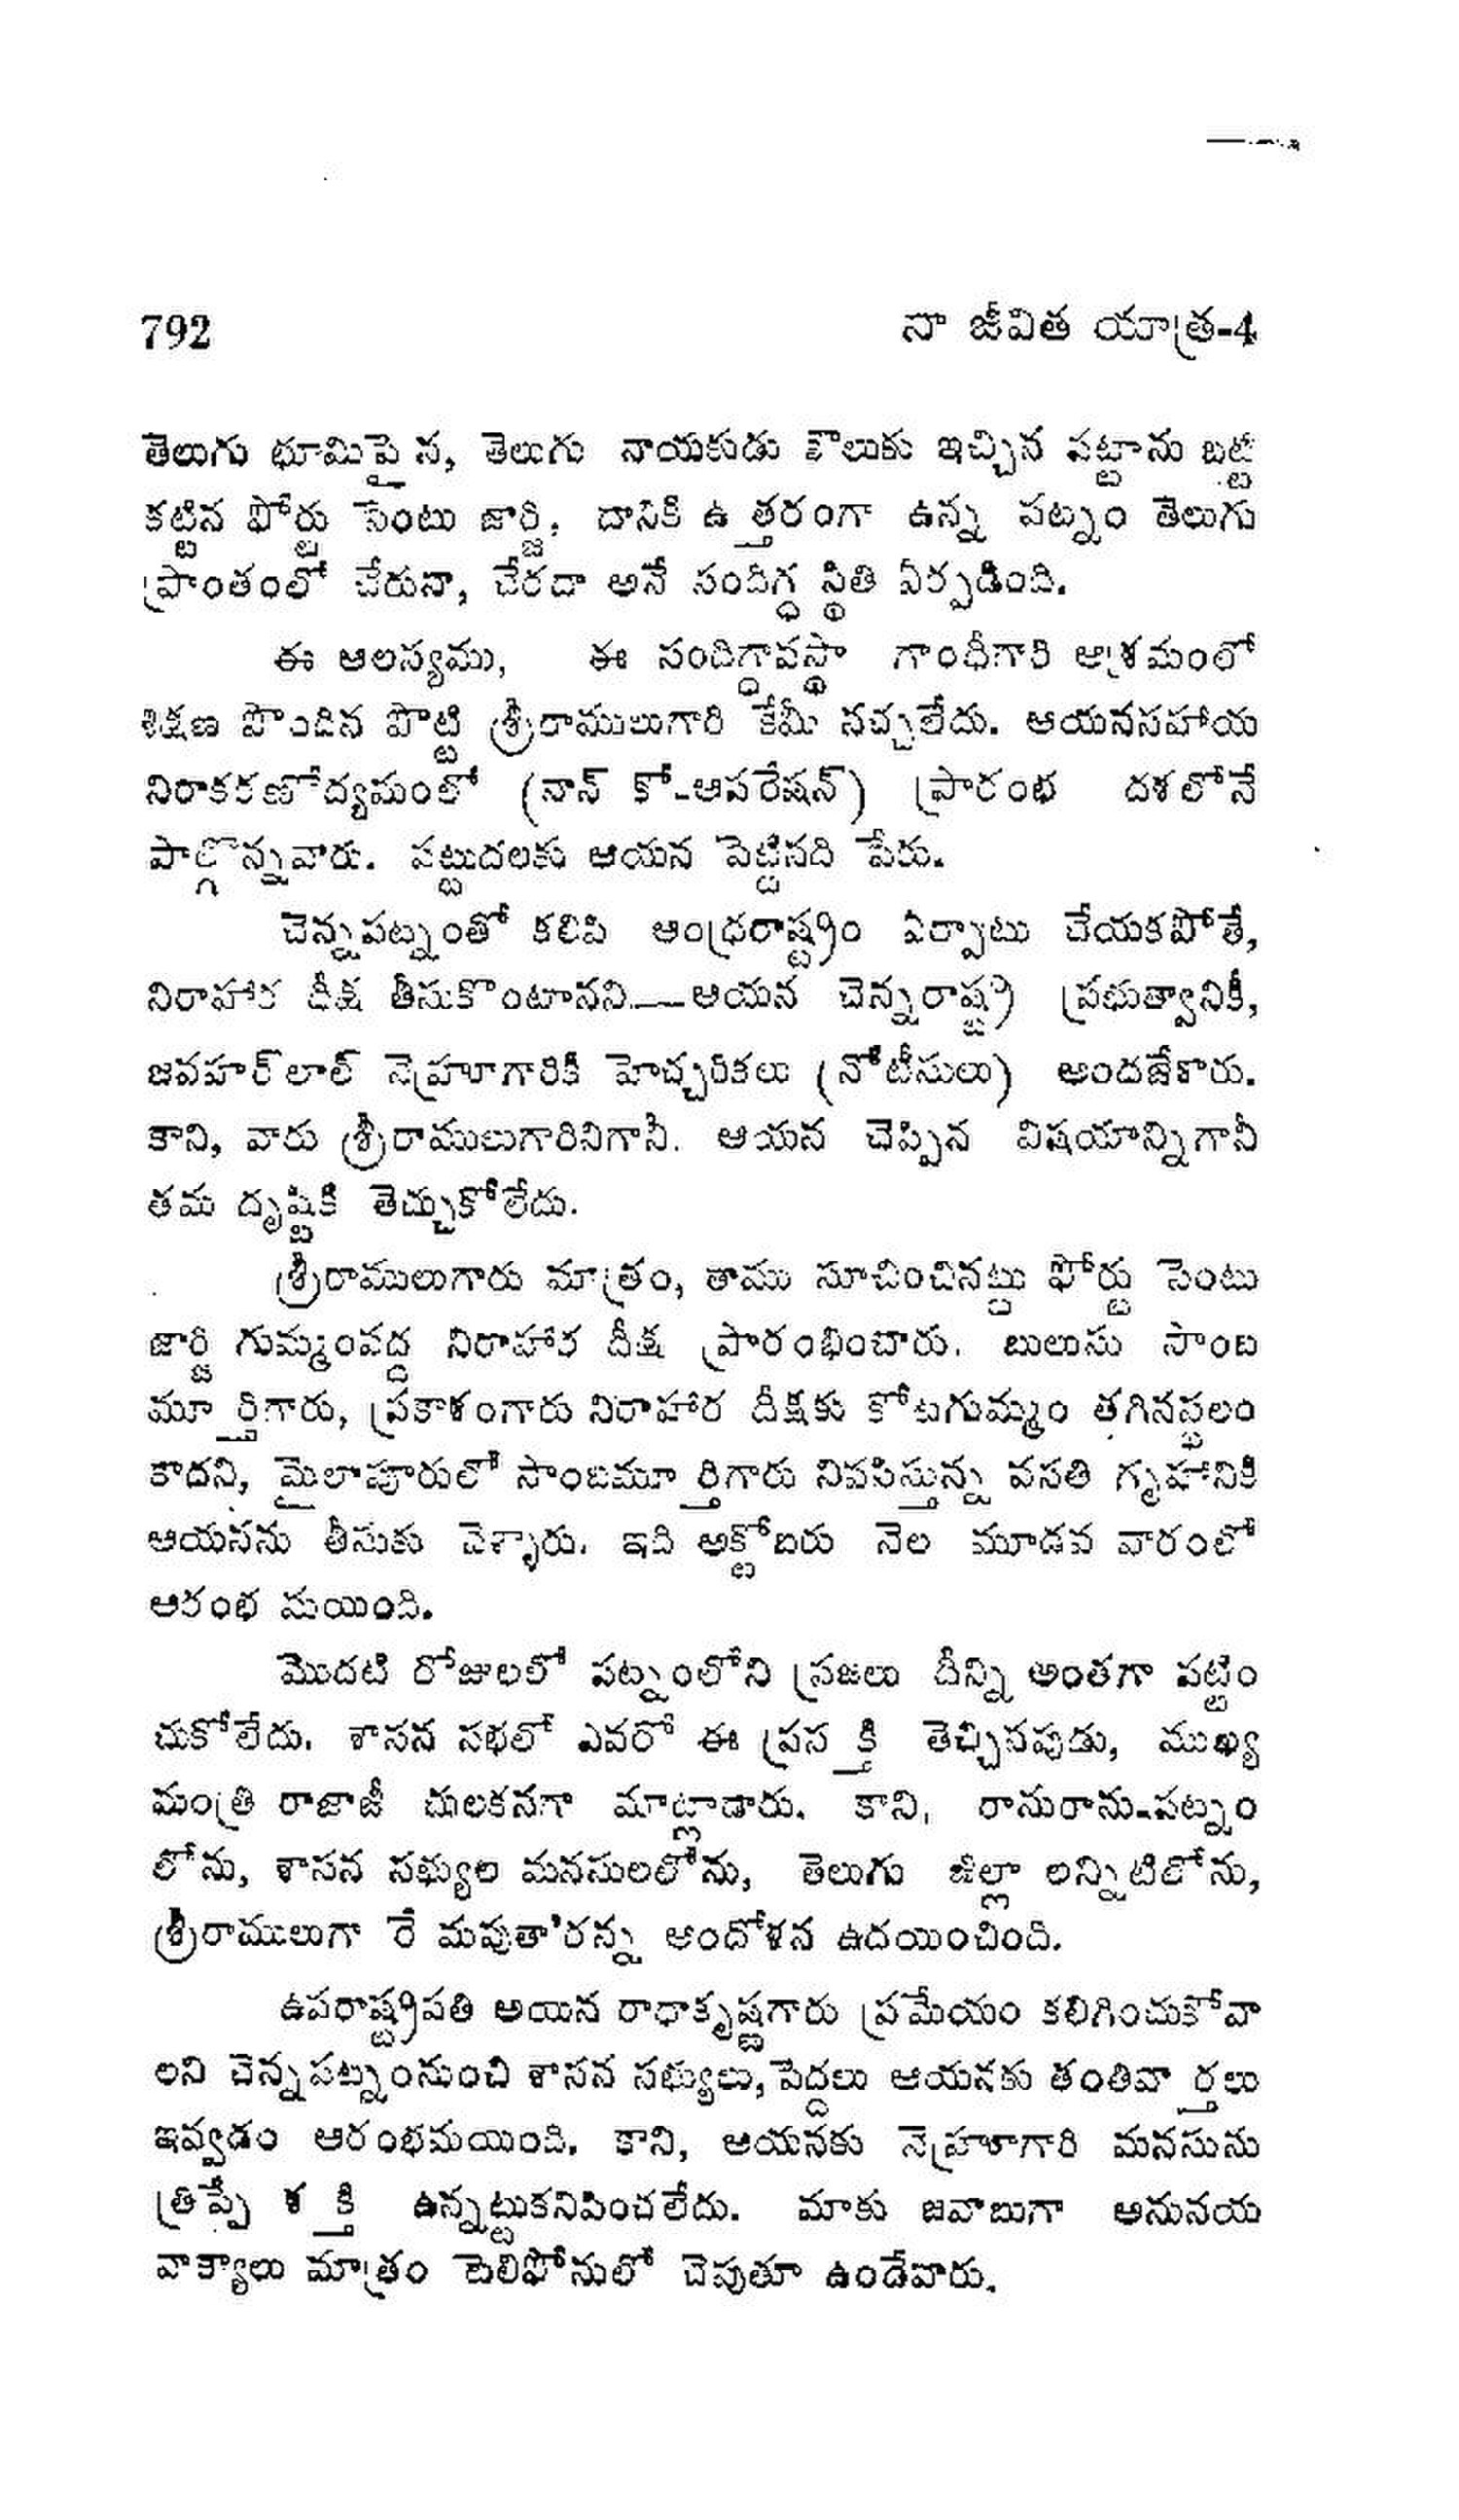తెలుగు భూమిపైన, తెలుగు నాయకుడు కౌలుకు ఇచ్చిన పట్టాను బట్టి కట్టిన పోర్టు సెంటు జార్జి, దానికి ఉత్తరంగా ఉన్న పట్నం తెలుగు ప్రాంతంలో చేరునా, చేరదా అనే సందిగ్ధ స్థితి ఏర్పడింది.

ఈ ఆలస్యము, ఈ సందిగ్ధావస్థా గాంధీగారి ఆశ్రమంలో శిక్షణ పొందిన పొట్టి శ్రీరాములుగారి కేమి నచ్చలేదు. ఆయనసహాయ నిరాకరణోద్యమంలో (నాన్ కో - ఆపరేషన్) ప్రారంభ దశలోనే పాల్గొన్నవారు. పట్టుదలకు ఆయన పెట్టినది పేరు.

చెన్నపట్నంతో కలిపి ఆంధ్రరాష్ట్రం ఏర్పాటు చేయకపోతే, నిరాహార దీక్ష తీసుకొంటానని - ఆయన చెన్నరాష్ట్ర ప్రభుత్వానికీ, జవహర్‌లాల్ నెహ్రూగారికి హెచ్చరికలు (నోటీసులు) అందజేశారు. కాని, వారు శ్రీరాములుగారినిగానీ, ఆయన చెప్పిన విషయాన్నిగానీ తమ దృష్టికి తెచ్చుకోలేదు.

శ్రీరాములుగారు మాత్రం, తాము సూచించినట్టు ఫోర్టు సెంటు జార్జి గుమ్మంవద్ద నిరాహార దీక్ష ప్రారంభించారు. బులుసు సాంబమూర్తిగారు, ప్రకాశంగారు నిరాహార దీక్షకు కోటగుమ్మం తగినస్థలం కాదని, మైలాపూరులో సాంబమూర్తిగారు నివసిస్తున్న వసతి గృహానికి ఆయనను తీసుకు వెళ్ళారు. ఇది అక్టోబరు నెల మూడవ వారంలో ఆరంభ మయింది.

మొదటి రోజులలో పట్నంలోని ప్రజలు దీన్ని అంతగా పట్టించుకోలేదు. శాసన సభలో ఎవరో ఈ ప్రసక్తి తెచ్చినపుడు, ముఖ్యమంత్రి రాజాజీ చులకనగా మాట్లాడారు. కాని, రానురాను - పట్నంలోను, శాసన సభ్యుల మనసులలోను, తెలుగు జిల్లా లన్నిటిలోను, శ్రీరాములుగా రే మవుతా'రన్న ఆందోళన ఉదయించింది.

ఉపరాష్ట్రపతి అయిన రాధాకృష్ణగారు ప్రమేయం కలిగించుకోవాలని చెన్నపట్నంనుంచి శాసన సభ్యులు, పెద్దలు ఆయనకు తంతివార్తలు ఇవ్వడం ఆరంభమయింది. కాని, ఆయనకు నెహ్రూగారి మనసును త్రిప్పే శక్తి ఉన్నట్టుకనిపించలేదు. మాకు జవాబుగా అనునయ వాక్యాలు మాత్రం టెలిఫోనులో చెపుతూ ఉండేవారు.